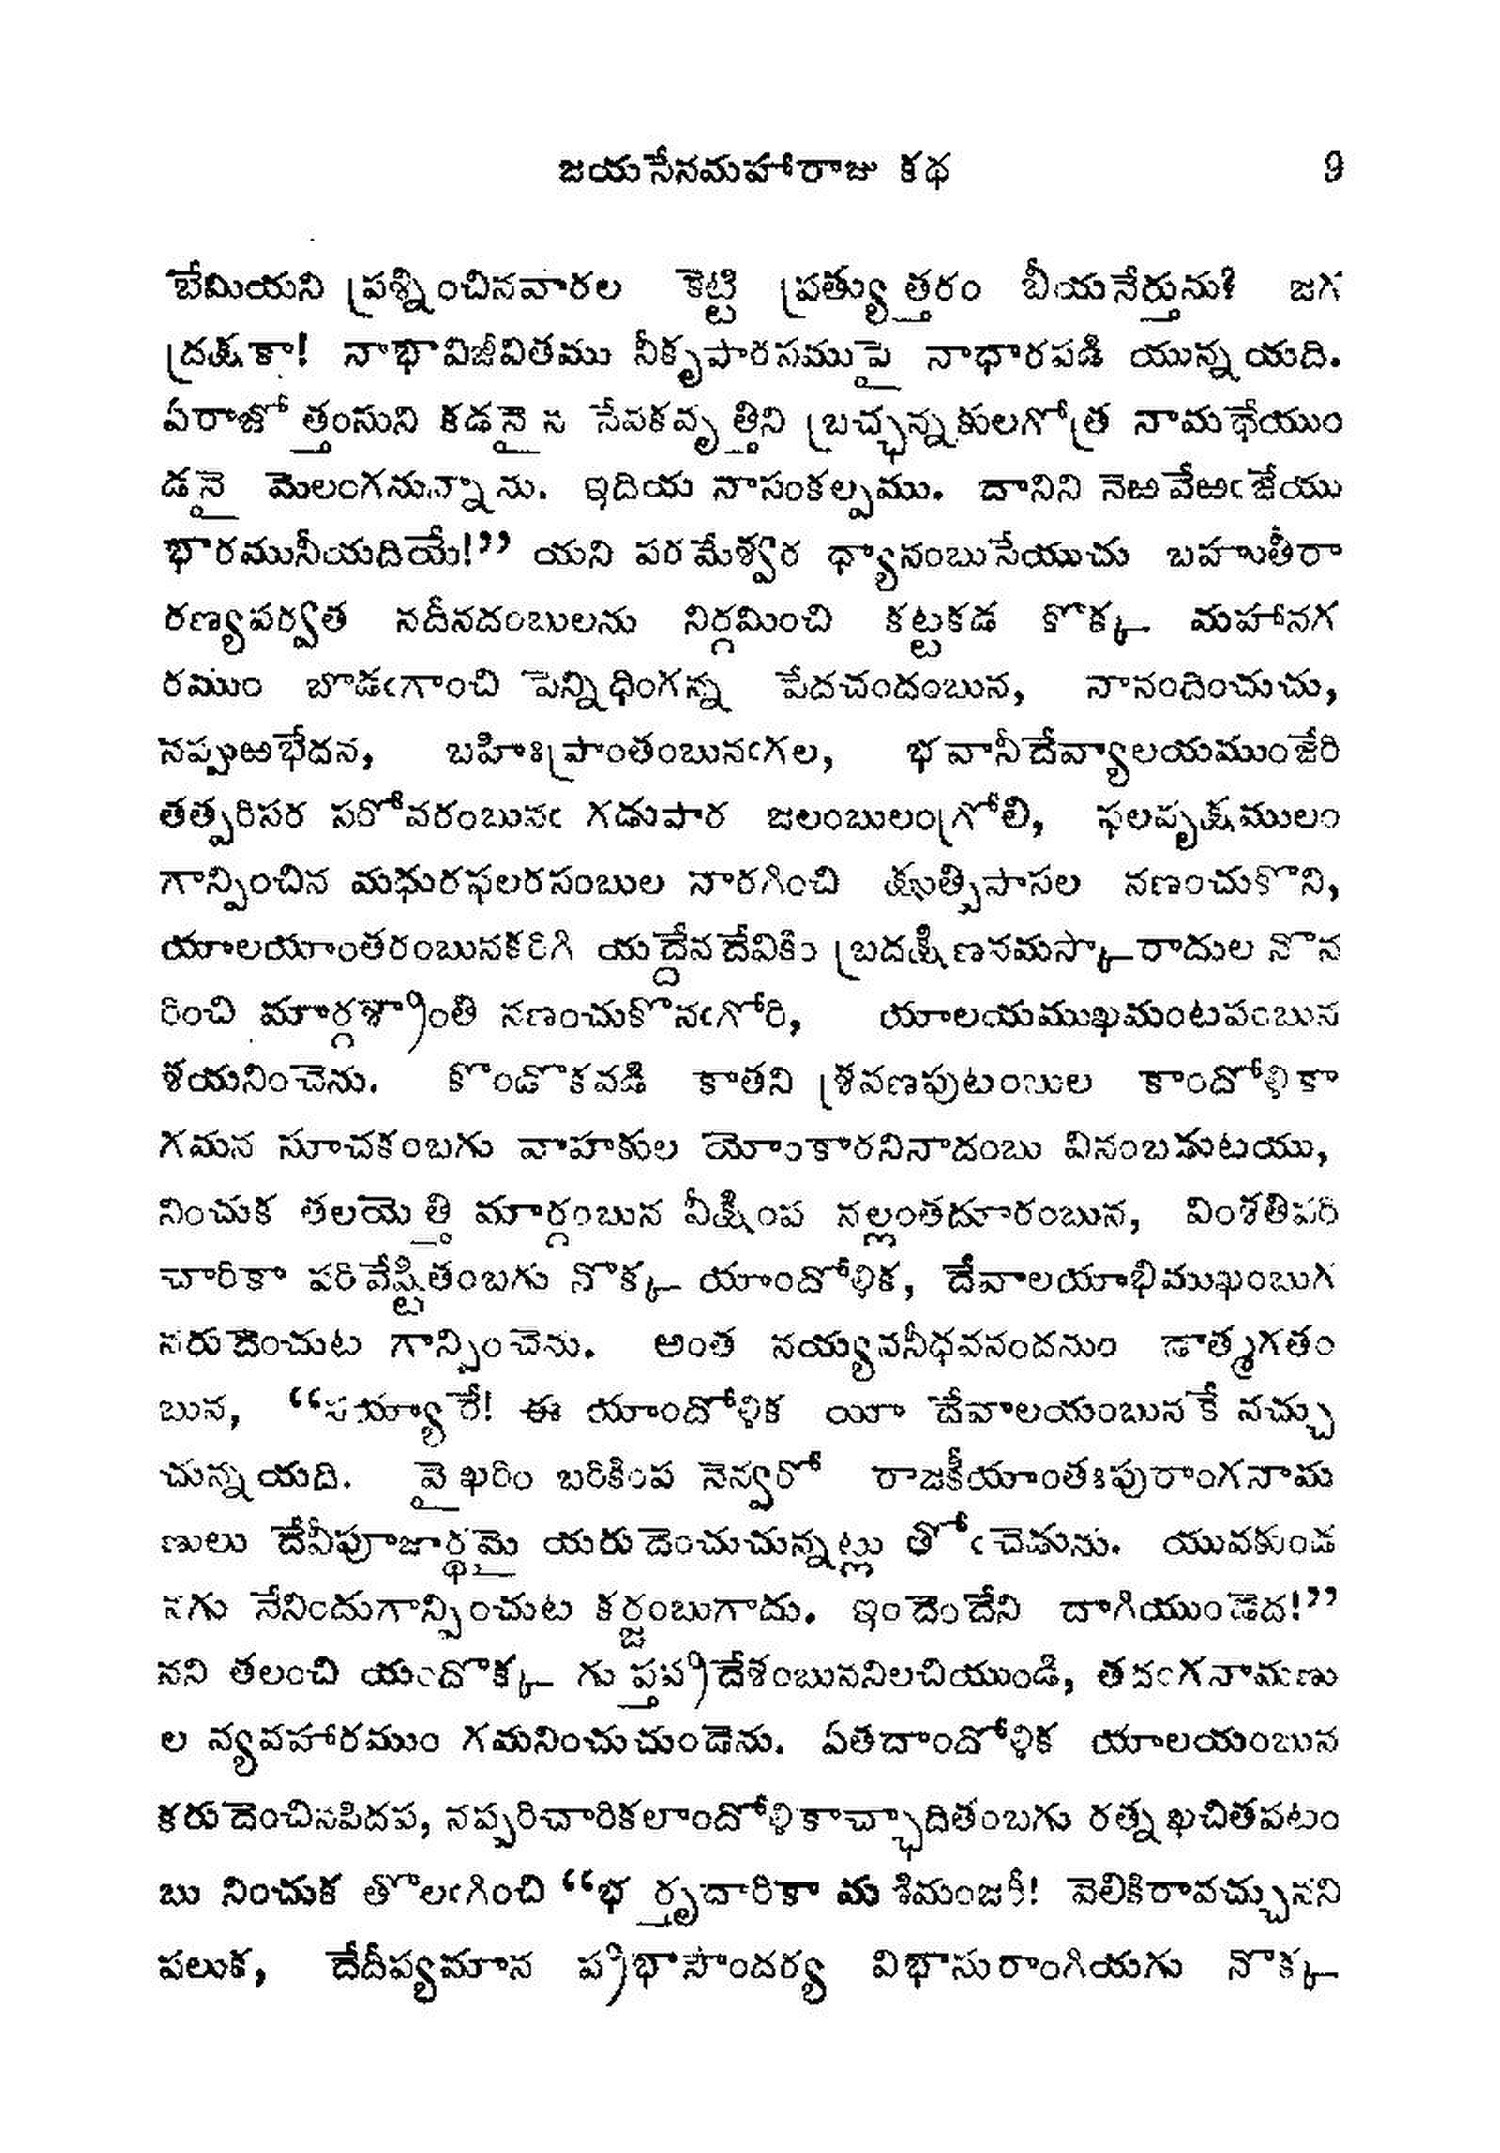బేమియని ప్రశ్నించినవారల కెట్టి ప్రత్యుత్తరం బీయనేర్తును? జగద్రక్షకా! నాభావిజీవితము నీకృపారసముపై నాధారపడి యున్నయది.
ఏరాజోత్తంసుని కడనైన నేవక వృత్తిని బ్రచ్ఛన్న కులగోత్ర నామధేయుండనై మెలంగనున్నాను. ఇదియ నాసంకల్పము. దానిని నెఱవేఱఁ జేయు భారమునీయదియే!" యని పరమేశ్వర ధ్యానంబు సేయుచు బహుతీరా రణ్యపర్వత నదీనదంబులను నిర్గమించి కట్టకడ కొక్క మహానగరముం బొడఁగాంచి పెన్నిధింగన్న పేదచందంబున, నానందించుచు, నప్పుఱభేదన, బహిఃప్రాంతంబునఁగల, భవానీ దేవ్యాలయముం జేరి తత్పరిసర సరోవరంబునఁ గడుపార జలంబులం గ్రోలి, ఫలవృక్షముల గాన్పించిన మధురఫలరసంబుల నారగించి క్షుత్సిపాసల నణంచుకొని, యాలయాంతరంబునకరిగి యద్దేవ దేవికిం బ్రదక్ష్మిణ నమస్కారాదుల నొనరించి మార్గశ్రాంతి నణంచుకొనఁగోరి, యాలయముఖమంటపంబున శయనించెను. కొండొకవడి కాతని శ్రవణపుటంబుల కాందోళికా గమన సూచకంబగు వాహకుల యోంకార నినాదంబు వినంబడుటయు, నించుక తలయెత్తి మార్గంబున వీక్షింప నల్లంత దూరంబున, వింశతిపరిచారికా పరివేష్టితంబగు నొక్క యాందోళిక, దేవాలయాభిముఖంబుగ నరుదెంచుట గాన్పించెను. అంత నయ్య వనీధవనందనుం డాత్మగతంబున, "సయ్యారే! ఈ యాందోళిక యీ దేవాలయంబునకే వచ్చుచున్నయది. పైఖరిం బరికింప నెన్వరో రాజకీయాంతః పురాంగనామణులు దేవీ పూజార్థమై యరు దెంచుచున్నట్లు తోఁచెడును. యువకుండ నగు నేనిందుగాన్పించుట కర్జంబుగాదు. ఇందెందేని దాగియుండెద!"నని తలంచి యందొక్క గుప్తప్రదేశంబుననిలచి యుండి, తదంగనామణుల వ్యవహారముం గమనించుచుండెను. ఏత దాందోళిక యాలయంబున కరుదెంచినపిదప, నప్పరిచారికలాందోళికాచ్ఛాదితంబగు రత్న ఖచితపటంబు నించుక తొలగించి "భర్తృదారీకా మణిమంజరీ! వెలికి రావచ్చునని పలుక, దేదీప్యమాన ప్రభాసౌందర్య విభాసురాంగియగు నొక్క